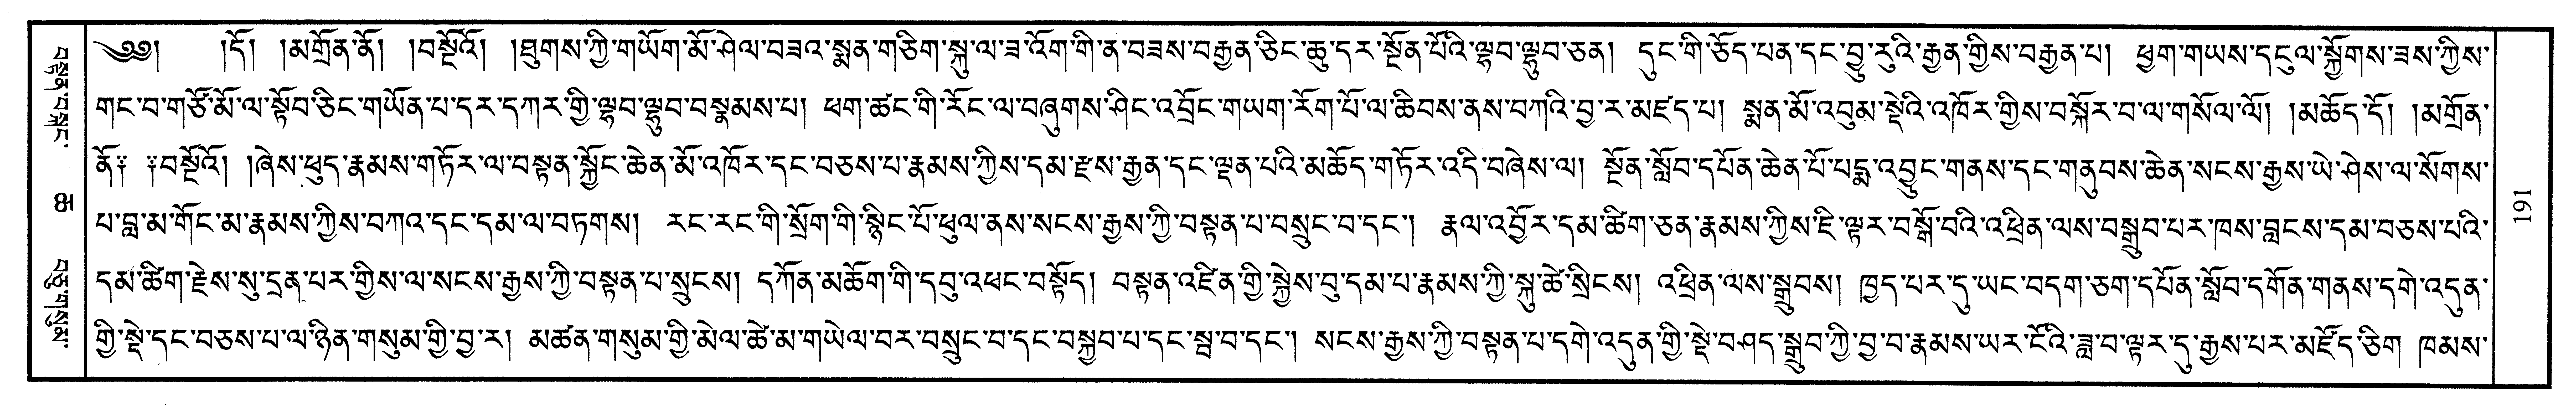༄༅། །དོ། །མགྲོན་ནོ། །བསྔོའོ། །ཐུགས་ཀྱི་གཡོག་མོ་ཤེལ་བཟའ་སྨན་གཅིག་སྐུ་ལ་ཟ་འོག་གི་ན་བཟས་བརྒྱན་ཅིང་ཆུ་དར་སྔོན་པོའི་ལྷབ་ལྷུབ་ཅན། དུང་གི་ཅོད་པན་དང་བྱུ་རུའི་རྒྱན་གྱིས་བརྒྱན་པ། ཕྱག་གཡས་དངུལ་སྐྱོགས་ཟས་ཀྱིས་
གང་བ་གཙོ་མོ་ལ་སྟོབ་ཅིང་གཡོན་པ་དར་དཀར་གྱི་ལྷབ་ལྷུབ་བསྣམས་པ། ཕག་ཚང་གི་རོང་ལ་བཞུགས་ཤིང་འབྲོང་གཡག་རོག་པོ་ལ་ཆིབས་ནས་བཀའི་བྱ་ར་མཛད་པ། སྨན་མོ་འབུམ་སྡེའི་འཁོར་གྱིས་བསྐོར་བ་ལ་གསོལ་ལོ། །མཆོད་དོ། །མགྲོན་
ནོ༑ ༑བསྔོའོ། །ཞེས་ཕུད་རྣམས་གཏོར་ལ་བསྟན་སྐྱོང་ཆེན་མོ་འཁོར་དང་བཅས་པ་རྣམས་ཀྱིས་དམ་རྫས་རྒྱན་དང་ལྡན་པའི་མཆོད་གཏོར་འདི་བཞེས་ལ། སྔོན་སློབ་དཔོན་ཆེན་པོ་པདམ་འབྱུང་གནས་དང་གནུབས་ཆེན་སངས་རྒྱས་ཡེ་ཤེས་ལ་སོགས་
པ་བླ་མ་གོང་མ་རྣམས་ཀྱིས་བཀའ་དང་དམ་ལ་བཏགས། རང་རང་གི་སྲོག་གི་སྙིང་པོ་ཕུལ་ནས་སངས་རྒྱས་ཀྱི་བསྟན་པ་བསྲུང་བ་དང་། རྣལ་འབྱོར་དམ་ཚིག་ཅན་རྣམས་ཀྱིས་ཇི་ལྟར་བསྒོ་བའི་འཕྲིན་ལས་བསྒྲུབ་པར་ཁས་བླངས་དམ་བཅས་པའི་
དམ་ཚིག་རྗེས་སུ་དྲན་པར་གྱིས་ལ་སངས་རྒྱས་ཀྱི་བསྟན་པ་སྲུངས། དཀོན་མཆོག་གི་དབུ་འཕང་བསྟོད། བསྟན་འཛིན་གྱི་སྐྱེས་བུ་དམ་པ་རྣམས་ཀྱི་སྐུ་ཚེ་སྲིངས། འཕྲིན་ལས་སྒྲུབས། ཁྱད་པར་དུ་ཡང་བདག་ཅག་དཔོན་སློབ་དགོན་གནས་དགེ་འདུན་
གྱི་སྡེ་དང་བཅས་པ་ལ་ཉིན་གསུམ་གྱི་བྱ་ར། མཚན་གསུམ་གྱི་མེལ་ཚེ་མ་གཡེལ་བར་བསྲུང་བ་དང་བསྐྱབ་པ་དང་སྦ་བ་དང་། སངས་རྒྱས་ཀྱི་བསྟན་པ་དགེ་འདུན་གྱི་སྡེ་བཤད་སྒྲུབ་ཀྱི་བྱ་བ་རྣམས་ཡར་ངོའི་ཟླ་བ་ལྟར་དུ་རྒྱས་པར་མཛོད་ཅིག །ཁམས་